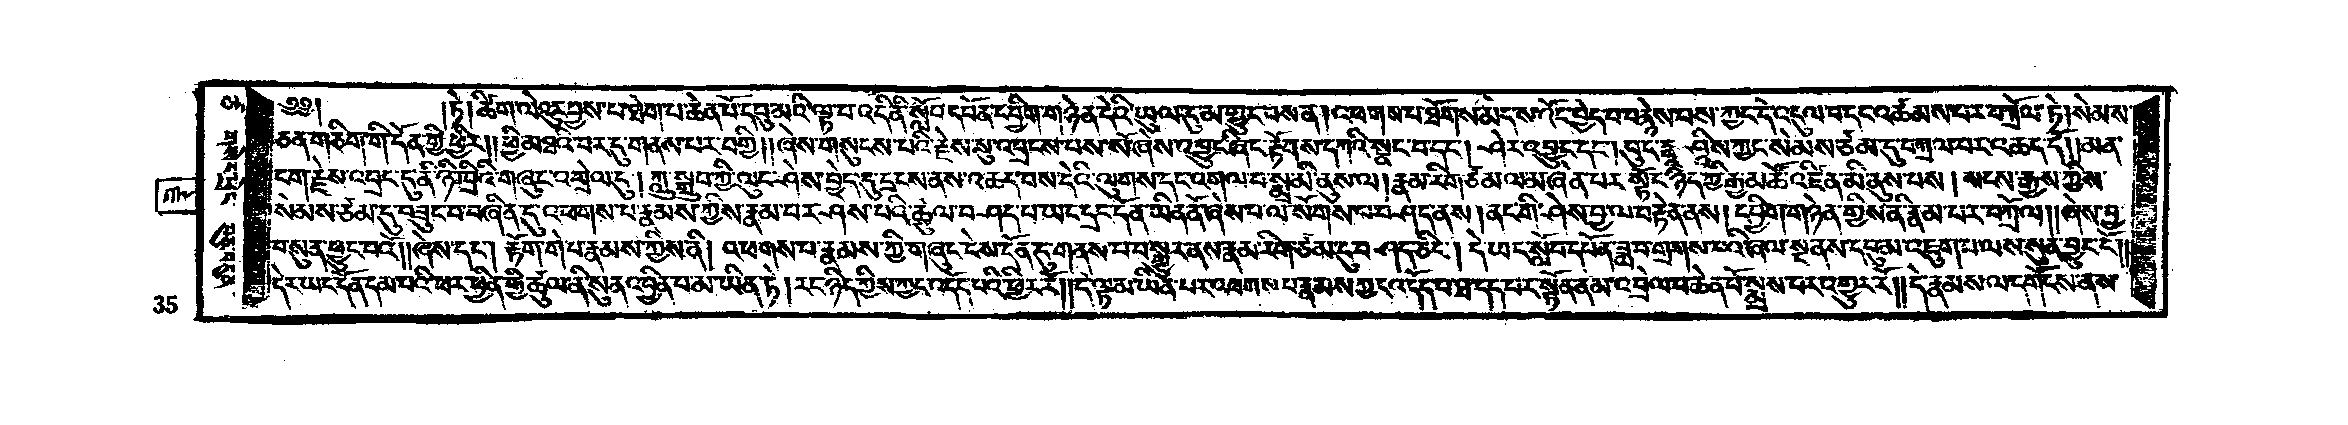༄༅། །ཏེ། ཚིག་ལེའུར་བྱས་པ་ཐེག་པ་ཆེན་པོ་དབུ་མའི་ལྟ་བ་འདི་ནི་སློབ་དཔོན་དབྱིག་གཉེན་དེའི་ཡུལ་དུ་མ་གྱུར་བས་ན། འཕགས་པ་ཐོགས་མེད་ས་འོད་བྱེད་པ་བརྙེས་པས་ཀྱང་དེ་འདུལ་བ་དང་འཚམས་པར་བཀྲོལ་ཏེ། སེམས་
ཅན་གཅིག་གི་དོན་གྱི་ཕྱིར། །ཕྱི་མཐའི་བར་དུ་གནས་པར་བགྱི། །ཞེས་གསུངས་པའི་རྗེས་སུ་འབྲངས་པས་སོ་ཞེས་འབྱུང་ཞིང་རྟོགས་དཀའི་སྣང་བ་དང་། ཤེར་འབྱུང་དང་། བུད་དྷཱ་ཤྲཱིས་ཀྱང་སེམས་ཙམ་དུ་བཀྲལ་བར་འཆད་དོ། །མན་
ངག་རྗེས་འབྲང་དུ་ནི་ཉི་ཁྲིའི་གཞུང་འགྲེལ་དུ། ཀླུ་སྒྲུབ་ཀྱི་ལུང་ཤེས་བྱེད་དུ་དྲངས་ནས་འཆད་པས་དེའི་ལུགས་དང་འགལ་བ་སྨྲ་མི་ནུས་ལ། རྣམ་རིག་ཙམ་ལ་མ་ཞེན་པར་སྟོང་ཉིད་ཀྱི་རྒྱ་མཚོ་འཛིན་མི་ནུས་པས། སངས་རྒྱས་ཀྱིས་
སེམས་ཙམ་དུ་བཟུང་བ་བཞིན་དུ་འཕགས་པ་རྣམས་ཀྱིས་རྣམ་པར་ཤེས་པའི་ཚུལ་བཤད་པ་ཡང་དྲང་དོན་ཡིན་ནོ་ཞེས་པ་ལ་སོགས་པ་བཤད་ནས། ནང་གི་ཤེས་བྱ་ལ་བརྟེན་ནས། དབྱིག་གཉེན་གྱིས་ནི་རྣམ་པར་བཀྲོལ། །ཞེས་བྱ་
བ་སུན་ཕྱུང་བའོ། །ཞེས་དང་། རྟོག་གེ་བ་རྣམས་ཀྱིས་ནི། འཕགས་པ་རྣམས་ཀྱི་གཞུང་ངེས་དོན་དུ་གནས་པ་བསྒྱུར་ནས་རྣམ་རིག་ཙམ་དུ་བཤད་ཅིང་། དེ་ཡང་སློབ་དཔོན་ཟླ་བ་གྲགས་པའི་ཞལ་སྔ་ནས་དབུ་མ་འཇུག་པ་ལས་སུན་ཕྱུང་ངོ། །
དེར་ཡང་དོན་དམ་པའི་ཕར་ཕྱིན་གྱི་ཚུལ་ནི་སུན་འབྱིན་པ་མ་ཡིན་ཏེ། རང་ཉིད་ཀྱིས་ཀྱང་འདོད་པའི་ཕྱིར་རོ། །དེ་ལྟ་མ་ཡིན་པར་འཕགས་པ་རྣམས་ཀྱང་འདོད་པ་ཐ་དད་པར་སྟོན་ནམ་འབྲེལ་པ་ཆེན་པོ་སྨྲས་པར་འགྱུར་རོ། །དེ་རྣམས་ལ་དགོངས་ནས་